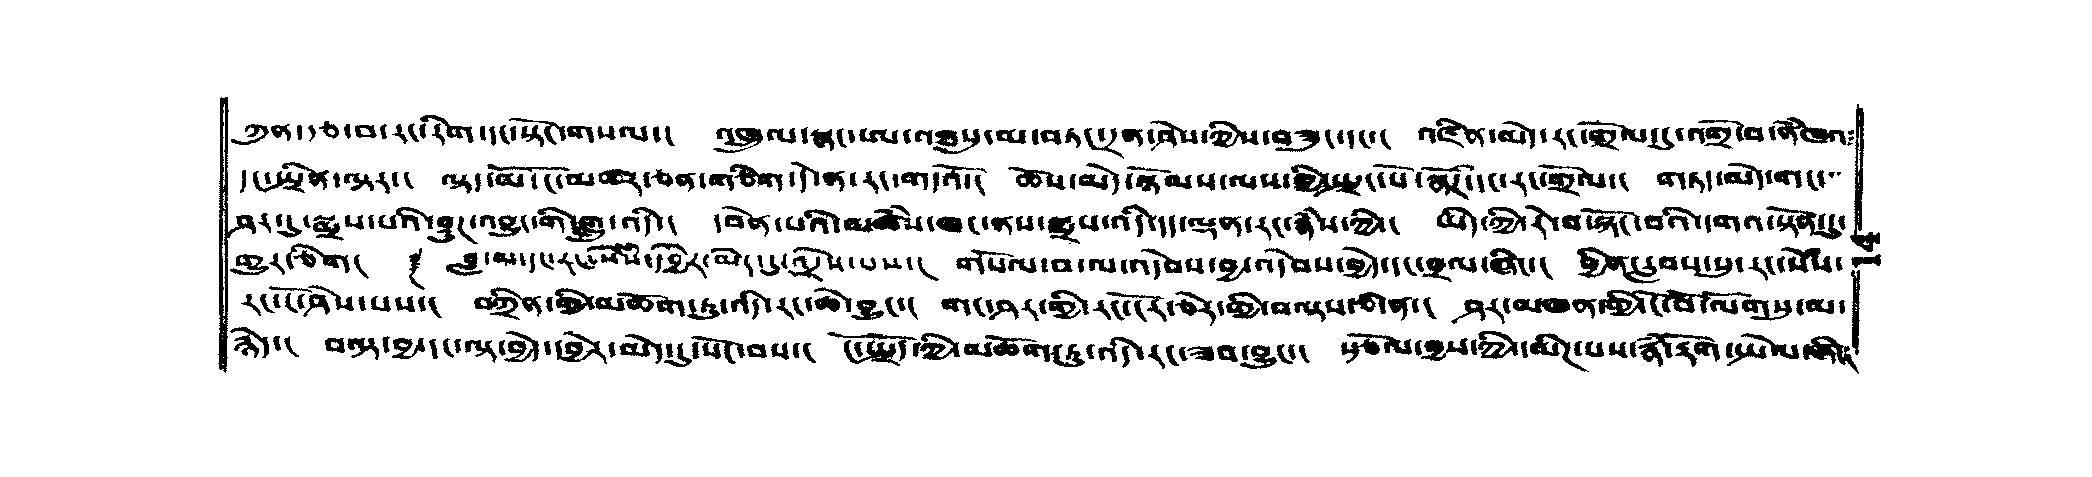ཀུན་རྩ་བ་རང་རིག་དང་སྟོང་གསལ། །འཁྲུལ་སྣང་ཨ་འཐས་སུ་མ་བཏང་དྲན་ཤེས་ཀྱིས་བཟུང་དང་། །འཛིན་མེད་རང་གྲོལ་དུ་འགྲོ་བ་ནམ་མཁའ་
དང་སྤྲིན་ལྟར། །ལྟད་མོ་ངོ་མཚར་ཅན་ཞིག་དེ་ན་རང་གདའོ། །ཆོས་མེད་སྙོམས་ལས་ཀྱི་སྤྲང་པོ་སྣ་ཚོགས་དང་རང་གྲོལ། །གཏད་མེད་གང་
ཤར་དུ་སྨྲས་པའི་ཤུགས་འབྱུང་གི་གླུ་འདི། །དབེན་པའི་མཚམས་ཁང་ནས་སྨྲས་འདི་དད་ལྡན་རང་རྣམས་ཀྱི། ཡིད་གྱི་རེ་བ་སྐོང་བའི་དགའ་སྟོན་དུ་
གྱུར་ཅིག ༄༅། བླ་མ་དང་རང་སེམས་དབྱེར་མེད་དུ་འདྲེས་པས། །གསོལ་བ་ལ་འདེབས་བྱ་འདེབས་བྱེད་དང་བྲལ་ཞིང་། །བྱིན་རླབས་སུ་རང་སེམས་
རང་ངོ་ཤེས་པས། །བཀའ་དྲིན་གྱི་མཆོག་ཏུ་འདི་རང་ཆེ་བྱུང་། །གང་ཤར་གྱི་རང་ངོ་ཅེར་གྱི་བལྟས་ཙམ་ན། །ཤར་མཁན་གྱི་ངོ་བོ་ལོགས་སུ་མ་
རྙེད། །བལྟ་བྱ་དང་བལྟ་བྱེད་དབྱེར་མེད་དུ་སོང་བས། །ངོ་སྤྲོད་ཀྱི་མཆོག་ཏུ་འདི་རང་ཟབ་བྱུང་། །རྩོལ་བྱས་ཀྱི་དམིགས་པས་རྣམ་རྟོག་སྤེལ་ཞིང་། །